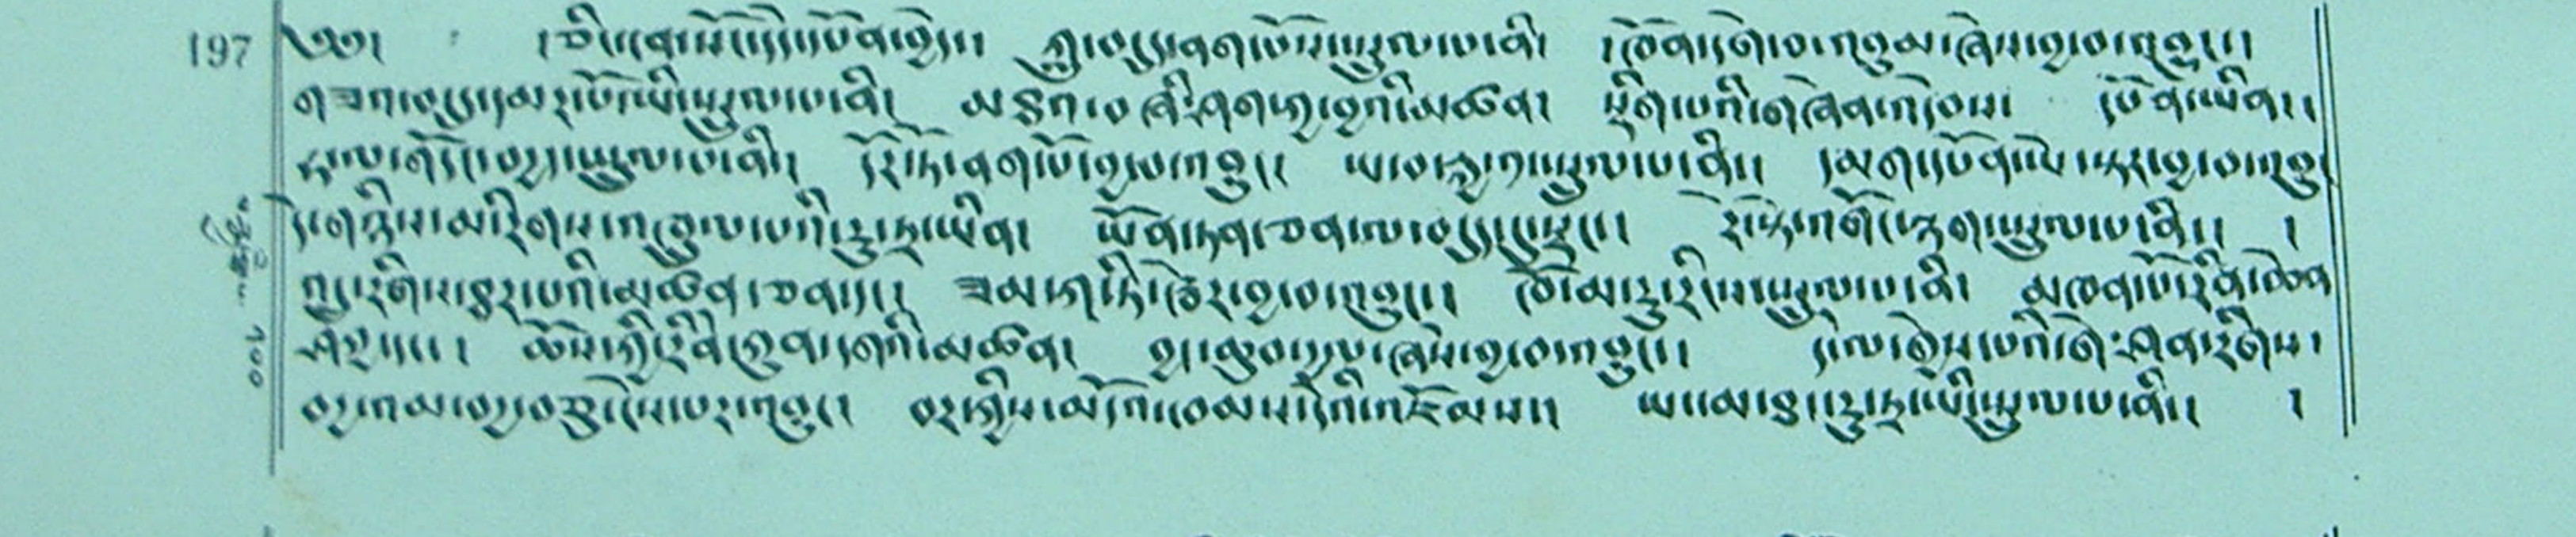༄༅། །བཤད་ཅིང་ངན་སོང་དེད་དཔོན་བྱེད། ཀླུ་བདུད་ནག་པོའི་སྤྲུལ་པ་ནི། ཁོན་དགེ་བ་འབུམ་ཞེས་བྱ་བ་འབྱུང་། 
གཟའ་བདུད་དམར་པོ་ཡི་སྤྲུལ་པ་ནི། མཐའ་བཞི་ཤག་ཀྱ་བྱ་བའི་མཚན། སྡིག་པའི་གཞེན་འདེབས་ དཔོན་བྱེད་པ་ཡིན། 
ཧ་ལ་གདོང་བརྒྱད་སྤྲུལ་པ་ནི། དོར་ཏོ་ནག་པོ་བྱ་བ་འབྱུང་། ཡ་བ་སྐྱ་གཅིག་སྤྲུལ་པ་ནི། དམག་དཔོན་ཡེ་སྟར་བྱ་བ་འབྱུང་། 
དེ་གཉིས་མ་རིག་འཁྲུལ་བའི་རུ་ཏྲ་ཡིན། ཡོན་ཏན་ཅན་ལ་བདུད་དུ་སྡང་། རེ་སྟེ་འགོང་ཉག་སྤྲུལ་པ་ནི། 
འབྲུ་རིགས་ཐར་བའི་མཚན་ཅན་དང་། ཟམ་ཀ་ཏི་ལྦེར་བྱ་བ་འབྱུང་། ཁོ་མ་རུ་རིངས་སྤྲུལ་པ་ནི། མཁན་པོ་རིན་ཆེན་
ཤཀྱ་དང་། ཆོས་ཀྱི་རིན་ཆེན་ཀུན་དགའི་མཚན། བྱང་ཆུབ་རྒྱལ་ཞེས་བྱ་བ་འབྱུང་། དེ་ལ་གྱེས་པའི་གེ་ཤན་རིགས། 
བརྒྱ་འམ་བརྒྱ་ཅུ་ངེས་པར་འབྱུང་། བར་གྱི་མདོའ་ཁམས་དེ་ཡིས་འཇོམས། ཡང་མ་ཐང་རུ་ཏྲ་ཡི་སྤྲུལ་པ་ནི།